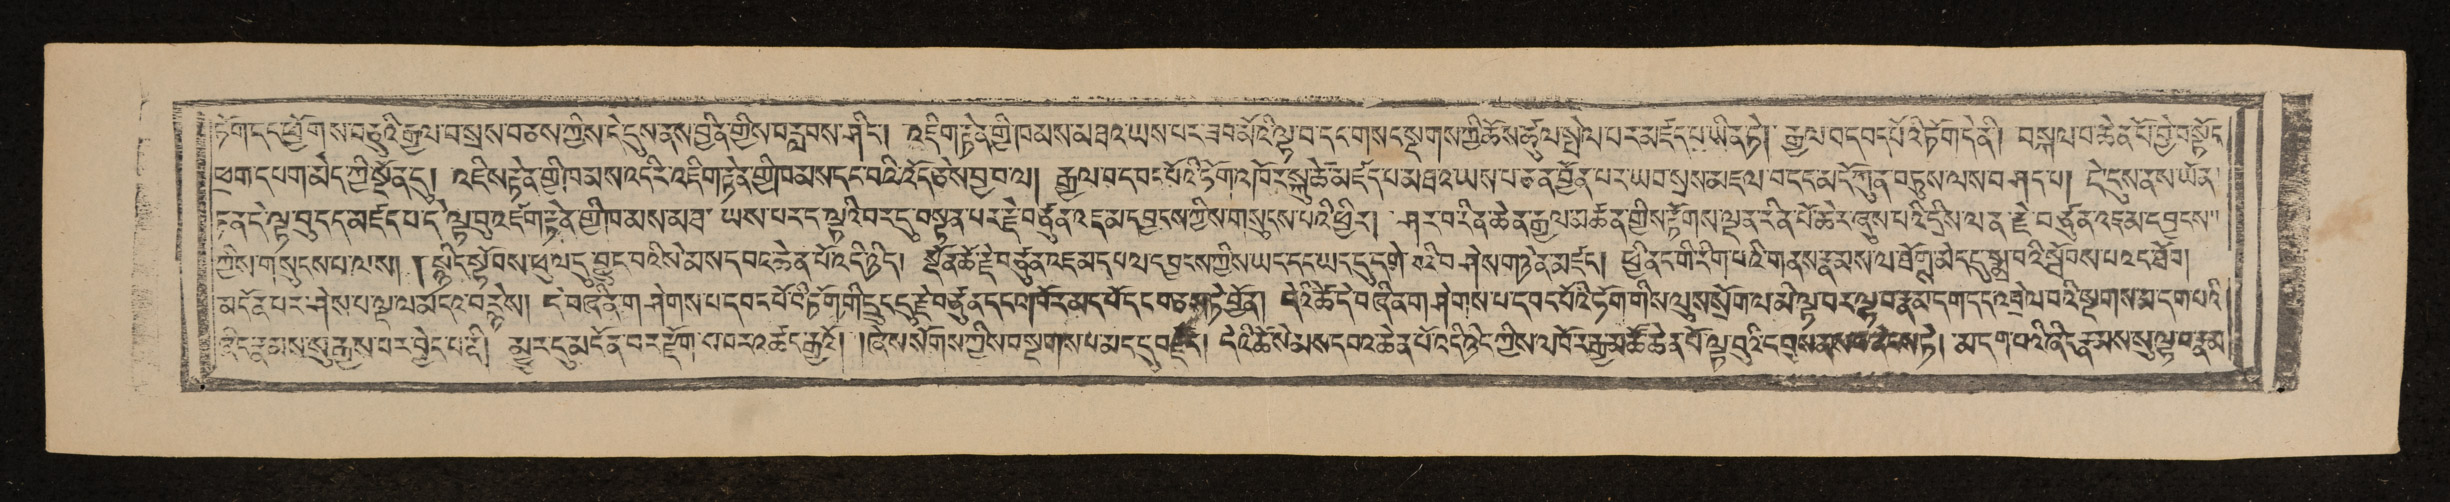ཏོག་དང་ཕྱོགས་བཅུའི་རྒྱལ་བ་སྲས་བཅས་ཀྱིས་དེ་དུས་ནས་བྱིན་གྱིས་བརླབས་ཤིང་། འཇིག་རྟེན་གྱི་ཁམས་མཐའ་ཡས་པར་ཟབ་མོའི་ལྟ་བ་དང་གསང་སྔགས་ཀྱི་ཆོས་ཚུལ་སྤེལ་པར་མཛད་པ་ཡིན་ཏེ། རྒྱལ་བ་དབང་པོའི་ཏོག་དེ་ནི། བསྐལ་པ་ཆེན་པོ་བྱེ་བ་སྟོང་
ཕྲག་དཔག་མེད་ཀྱི་སྔོན་དུ། འཇིག་རྟེན་གྱི་ཁམས་འདིར་འཇིག་རྟེན་གྱི་ཁམས་དང་བའི་འོད་ཅེས་བྱ་བ་ལ། རྒྱལ་བ་དབང་པོའི་ཏོག་འཁོར་སྐུ་ཚེ་མཛད་པ་མཐའ་ཡས་པ་ཅན་བྱོན་པར་ཡབ་སྲས་མཇལ་བ་དང་མདོ་ཀུན་བཏུས་ལས་བཤད་པ། དེ་དུས་ནས་ཡོན་
ཏན་དེ་ལྟ་བུ་དང་མཛད་པ་དེ་ལྟ་བུ་འཇིག་རྟེན་གྱི་ཁམས་མཐའ་ཡས་བར་ད་ལྟའི་བར་དུ་བསྟན་པར་རྗེ་བཙུན་འཇམ་དབྱངས་ཀྱིས་གསུངས་པའི་ཕྱིར། ཤར་བ་རིན་ཆེན་རྒྱལ་མཚན་གྱིས་རྟོགས་ལྡན་རིན་པོ་ཆེར་ཞུས་པའི་དྲིས་ལན་རྗེ་བཙུན་འཇམ་དབྱངས་
ཀྱིས་གསུངས་པ་ལས། སྙིང་སྟོབས་ཕུལ་དུ་བྱུང་བའི་སེམས་དཔའ་ཆེན་པོ་འདི་ཉིད། སྔོན་ཚེ་རྗེ་བཙུན་འཇམ་དཔལ་དབྱངས་ཀྱིས་ཡང་དང་ཡང་དུ་དགེ་བའི་བཤེས་གཉེན་མཛད། ཕྱི་ནང་གི་རིག་པའི་གནས་རྣམས་ལ་ཐོགས་མེད་དུ་སྨྲ་བའི་སྤོབས་པའང་ཐོབ།
མངོན་པར་ཤེས་པ་ལྔ་ལ་མངའ་བརྙེས། དེ་བཞིན་གཤེགས་པ་དབང་པོའི་ཏོག་གི་དྲུང་དུ་རྗེ་བཙུན་དང་འཁོར་མང་པོ་དང་བཅས་ཏེ་བྱོན། དེའི་ཚེ་དེ་བཞིན་གཤེགས་པ་དབང་པོའི་ཏོག་གིས་ལུས་སྲོག་ལ་མི་ལྟ་བར་ལྟ་བ་རྣམ་དག་དང་འབྲེལ་བའི་སྔགས་མ་དག་པའི་
ཞིང་རྣམས་སུ་རྒྱས་པར་བྱེད་པ་ནི། མྱུར་དུ་མངོན་པར་རྫོགས་པར་འཚང་རྒྱའོ། །ཞེས་སོགས་ཀྱིས་བསྔགས་པ་མང་དུ་བརྗོད། དེའི་ཚེ་སེམས་དཔའ་ཆེན་པོ་འདི་ཉིད་ཀྱིས་འཁོར་རྒྱ་མཚོ་ཆེན་པོ་ལྟ་བུའི་དབུས་ནས་བཞེངས་ཏེ། མ་དག་པའི་ཞིང་རྣམས་སུ་ལྟ་བ་རྣམ་